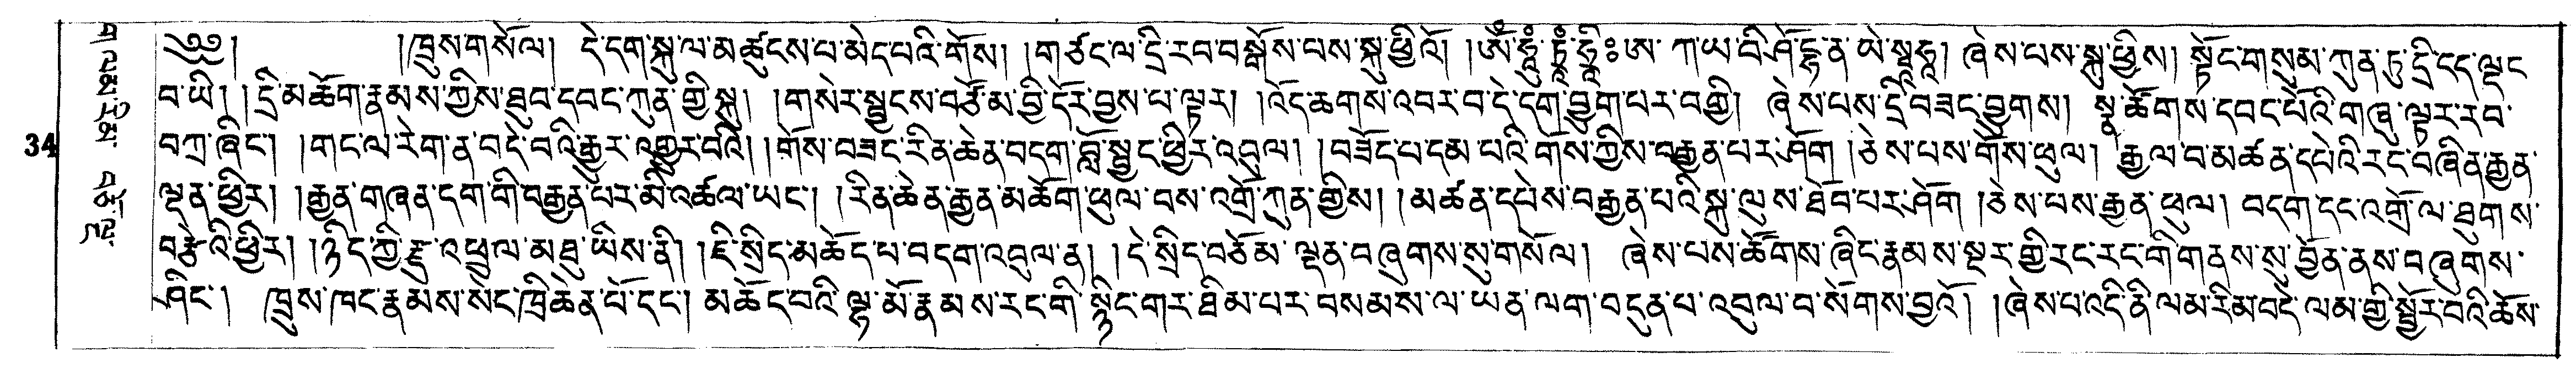༄༅། །ཁྲུས་གསོལ། དེ་དག་སྐུ་ལ་མཚུངས་པ་མེད་པའི་གོས། །གཙང་ལ་དྲི་རབ་བསྒོས་པས་སྐུ་ཕྱིའོ། །ཨོཾ་ཧཱུཾ་ཏྲཱཾ་ཧྲཱིཿ ཨ་ག་ཡ་བི་ཤོ་དྷ་ན་ཡེ་སྭཱཧཱ། ཞེས་པས་སྐུ་ཕྱིས། སྟོང་གསུམ་ཀུན་ཏུ་དྲི་ངད་ལྡང་
བ་ཡི། །དྲི་མཆོག་རྣམས་ཀྱིས་ཐུབ་དབང་ཀུན་གྱི་སྐུ། །གསེར་སྦྱངས་བཙོ་མ་བྱི་དོར་བྱས་པ་ལྟར། །འོད་ཆགས་འབར་བ་དེ་དག་བྱུག་པར་བགྱི། ཞེས་པས་དྲི་བཟང་བྱུགས། སྣ་ཚོགས་དབང་པོའི་གཞུ་ལྟར་རབ་
བཀྲ་ཞིང་། །གང་ལ་རེག་ན་བདེ་བའི་རྒྱུར་འགྱུར་བའི། །གོས་བཟང་རིན་ཆེན་བདག་བློ་སྦྱང་ཕྱིར་འབུལ། །བཟོད་པ་དམ་པའི་གོས་ཀྱིས་བརྒྱན་པར་ཤོག །ཅེས་པས་གོས་ཕུལ། རྒྱལ་བ་མཚན་དཔེའི་རང་བཞིན་རྒྱན་
ལྡན་ཕྱིར། །རྒྱན་གཞན་དག་གི་བརྒྱན་པར་མི་འཚལ་ཡང་། །རིན་ཆེན་རྒྱན་མཆོག་ཕུལ་བས་འགྲོ་ཀུན་གྱིས། །མཚན་དཔེས་བརྒྱན་པའི་སྐུ་ལུས་ཐོབ་པར་ཤོག །ཅེས་པས་རྒྱན་ཕུལ། བདག་དང་འགྲོ་ལ་ཐུགས་
བརྩེའི་ཕྱིར། །ཉིད་ཀྱི་རྫུ་འཕྲུལ་མཐུ་ཡིས་ནི། །ཇི་སྲིད་མཆོད་པ་བདག་འབུལ་ན། །དེ་སྲིད་བཅོམ་ལྡན་བཞུགས་སུ་གསོལ། ཞེས་པས་ཚོགས་ཞིང་རྣམས་སྔར་གྱི་རང་རང་གི་གནས་སུ་བྱོན་ནས་བཞུགས་
ཤིང་། ཁྲུས་ཁང་རྣམས་སེང་ཁྲི་ཆེན་པོ་དང་། མཆོད་པའི་ལྷ་མོ་རྣམས་རང་གི་སྙིང་གར་ཐིམ་པར་བསམས་ལ་ཡན་ལག་བདུན་པ་འབུལ་བ་སོགས་བྱའོ། །ཞེས་པ་འདི་ནི་ལམ་རིམ་བདེ་ལམ་གྱི་སྦྱོར་བའི་ཆོས་